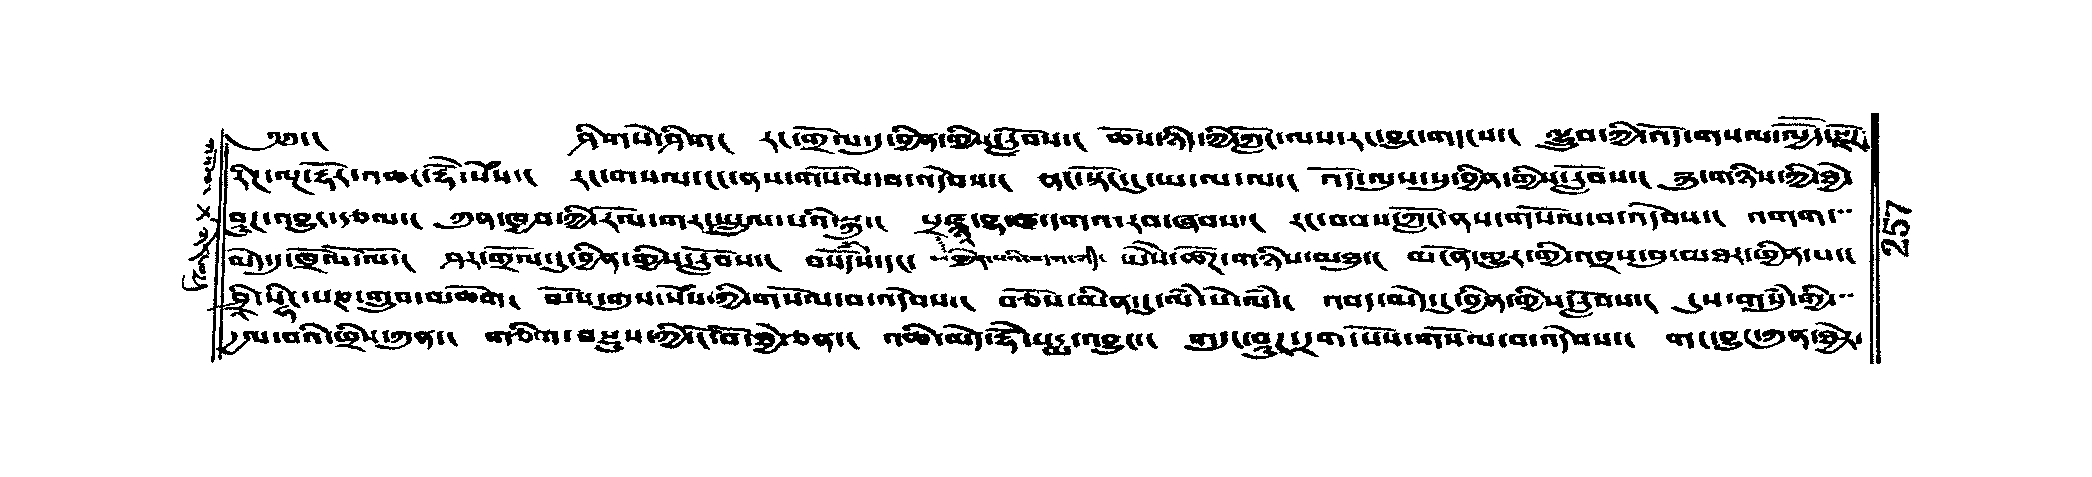ཤིགས་སེ་ཤིག །རང་གྲོལ་དུ་བྱིན་གྱིས་རློབས། །ཆོས་ཉིད་ཀྱི་ཀློང་ལས་རང་བྱུང་གདངས། །ལྷུན་གྲུབ་ཀྱི་འོད་གསལ་ལོངས་སྤྱོད་རྫོགས། །
རིགས་ལྔ་རྡོར་འཆང་རྡོ་རྗེ་སེམས། །རང་གསལ་ངང་ནས་གསོལ་བ་འདེབས། །སྣང་སྟོང་དུ་ཡ་ལ་ལ། །འོད་ལུས་སུ་བྱིན་གྱིས་རློབས། །སྐུ་གཉིས་ཀྱི་ཐུགས་རྗེ་
ཤུགས་འབྱུང་རྩལ། །ཀུན་ཁྱབ་ཀྱི་རོལ་གར་སྤྲུལ་པའི་སྐུ། །པྲ་ཛྙཱ་བྷ་ཝ་དགའ་རབ་ཞབས། །རང་བབས་ཀློང་ནས་གསོལ་བ་འདེབས། འགག་
མེད་དུ་ཁྲོལ་ལོ་ལོ། །ཤར་གྲོལ་དུ་བྱིན་གྱིས་རློབས། །བསོད་ནམས་ཡེ་ཤེས་ཚོགས་གཉིས་མཐུ། །མངོན་གྱུར་གྱི་འབྲས་བུ་མཐར་ཕྱིན་པ། །
ཤྲཱི་སིངྷཱ་པཎ་གྲུབ་མཆོག །མོས་གུས་སེམས་ཀྱི་གསོལ་བ་འདེབས། །བཅོས་མིན་དུ་ལམས་སེ་ལམ། །འབད་མེད་དུ་བྱིན་གྱིས་རློབས། །དུས་གསུམ་གྱི་
རྒྱལ་བའི་ཕྲིན་ལས་ཀུན། །གཅིག་བསྡུས་ཀྱི་ངོ་བོ་ཐུགས་རྗེ་ཅན། །འཆི་མེད་རྡོ་རྗེ་པདྨ་འབྱུང་། །གདུང་ཤུགས་དྲག་པོས་གསོལ་བ་འདེབས། །གང་བྱུང་ཀུན་ཐུགས་རྗེར་